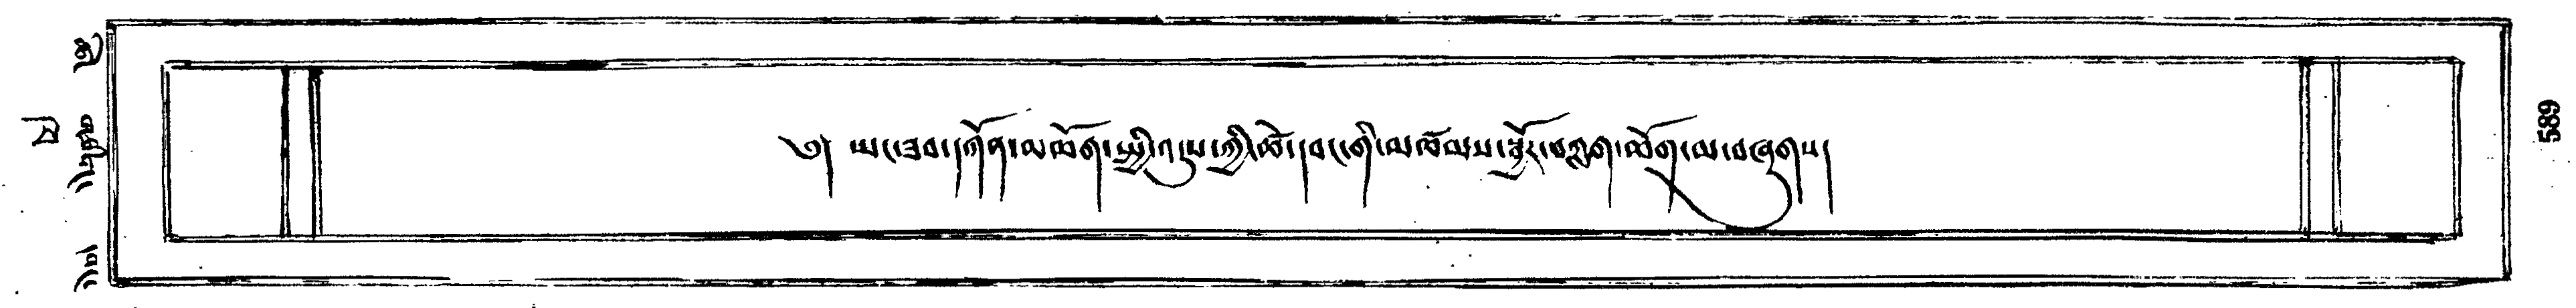༄། །ཡང་ཟབ་དགོན་མཆོག་སྤྱི་འདུས་ཀྱི་ཚེ་དབང་གི་མཚམས་སྦྱོར་བཀླག་ཆོག་མ་བཞུགས།།